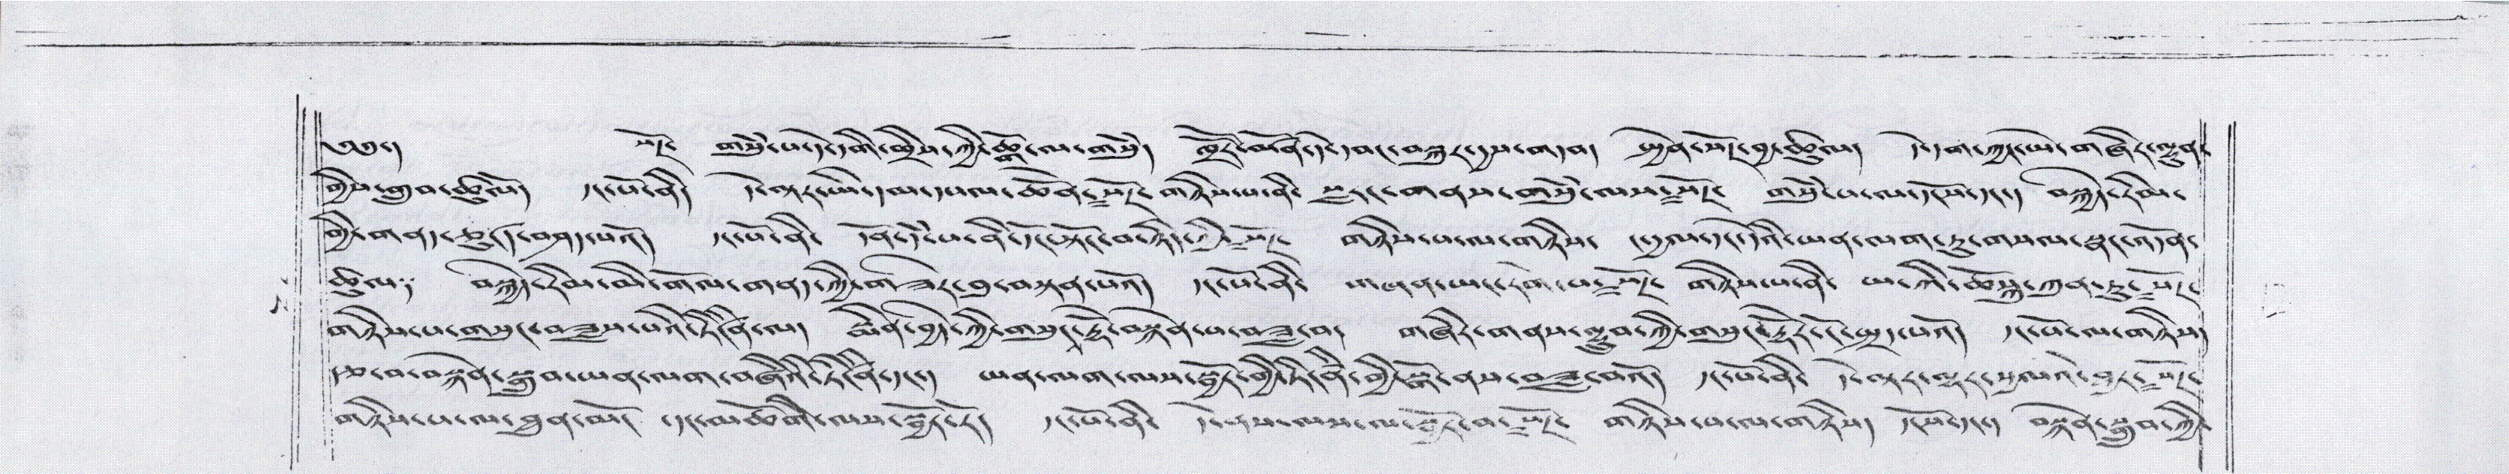སོགས། གསུམ་པ་དེ་དག་གི་ཕྲིན་ལས་ཀྱི་ཆོ་ག་ལ་གསུམ། ཁྲོ་བོར་མཚོན་དེ་དབང་བསྐུར་རྒྱས་གདབ། སྤྱན་འདྲེན་སོགས་བྱ་ཚུལ། དེ་དག་ཀྱང་ཡེ་གཞིར་ལྷུན་
གྱིས་གྲུབ་ཚུལ་ལོ། དང་པོ་ནི། དེ་ལྟར་ཡི་དམ་དཔལ་ཆེན་པོ་སོགས། གཉིས་པ་ནི། སླར་ཡང་གནས་གསུམ་ལས་སོགས། གསུམ་པ་ལ་དངོས་དང། བསྐྱེད་རིམ་
གྱི་གནད་ཅུང་ཟད་བཤད་པའོ། དང་པོ་ནི། དོན་དམ་པ་ནི་དོང་སྟོང་པ་ཉིད་ཀྱི་སོགས། གཉིས་པ་ལ་གཉིས། ང་རྒྱལ་དང་དེའི་ཡན་ལག་ཏུ་གསལ་སྣང་འདོན་
ཚུལ། བསྐྱེད་རིམ་མི་གོལ་གནད་ཀྱི་གཟེར་བུ་བསྟན་པའོ། དང་པོ་ནི། གཞན་ཡང་རེག་པ་སོགས། གཉིས་པ་ནི། ཡ་ཀི་ཆོས་སྐུ་ཀུན་ཏུ་སོགས། 
གཉིས་པ་གསུང་བཟླས་པའི་ཏིང་འཛིན་ལ། སྨིན་བྱེད་ཀྱི་གསུངས་རྡོ་རྗེ་བསྙེན་པ་བཟླ་བ། གཞིར་གནས་ལྷུན་གྲུབ་ཀྱི་གསུང་རྡོར་རྗེ་ངོ་སྤྲད་པའོ། དང་པོ་ལ་གཉིས། 
རྩ་བ་བསྙེན་སྒྲུབ་ཡན་ལག་བཞིའི་ཏིང་འཛིན་དང། ཡན་ལག་ལས་སྦྱོར་གྱི་ཏིང་འཛིན་གྱི་སྒོ་ནས་བཟླ་བའོ། དང་པོ་ནི། དེ་ལྟར་ལྷར་གསལ་བའམ་ཐུགས་ཀར་སོགས། 
གཉིས་པ་ལ་ཐུན་མོང་དང་མཆོག་གི་ལས་སྦྱོར་རོ། དང་པོ་ནི། དེ་ནས་ལས་ལ་སྦྱོར་བ་སོགས། གཉིས་པ་ལ་གཉིས། དངོས་དང། བསྙེན་སྒྲུབ་ཀྱི་